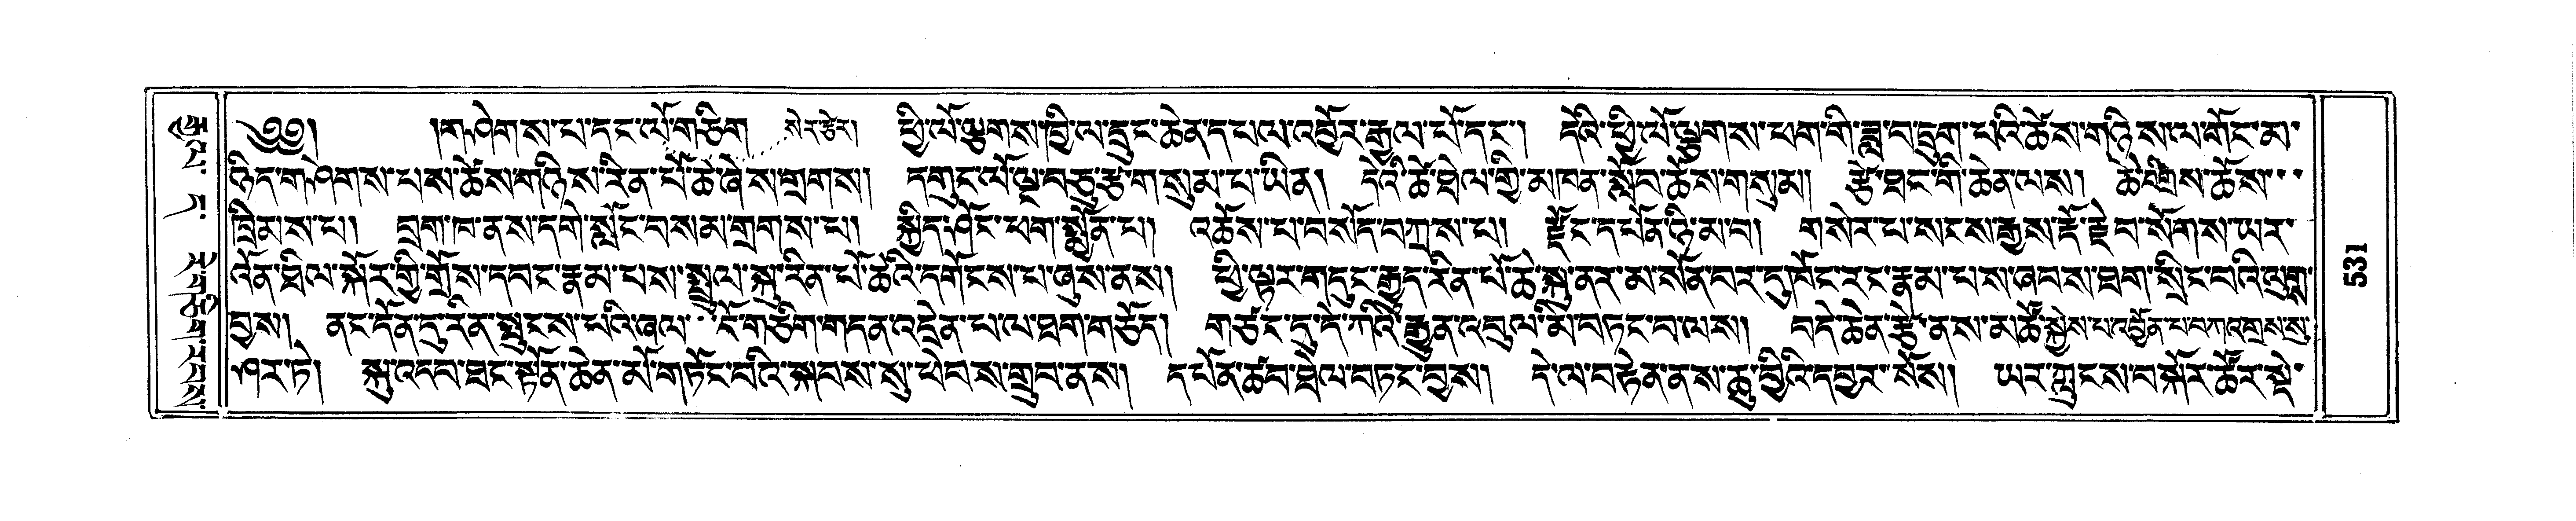༄༅། །གཤེགས་པ་དང་ལོ་གཅིག་སེར་རྩེར།  ཕྱི་ལོ་ལྕགས་ཁྱི་ལ་དྲུང་ཆེན་དཔལ་འབྱོར་རྒྱལ་པོ་དང་། དེའི་ཕྱི་ལོ་ལྕགས་ཕག་གི་ཟླ་བ་དྲུག་པའི་ཚེས་གཉིས་ལ་གོང་མ་
ཉིད་གཤེགས་པས་ཚེས་གཉིས་རིན་པོ་ཆེ་ཞེས་གྲགས། དགུང་ལོ་ལྔ་བཅུ་རྩ་གསུམ་པ་ཡིན། དེའི་ཚེ་ཐེལ་གྱི་མཁན་སློབ་ཆོས་གསུམ། རྩེ་ཐང་གི་ཆེན་ལས། ཆེ་བགྲིས་ཆོས་
ཁྲིམས་པ། བྲག་ཁ་ནས་དགེ་སློང་བསམ་གྲགས་པ། སྐྱིད་ཤོང་ཕག་སྨྱོན་པ། འཆོས་པ་བསོད་བཀྲས་པ། རྫོང་དཔོན་ཉི་མ་བ། གསེར་པ་སངས་རྒྱས་རྡོ་རྗེབ་སོགས་ཡར་
འོན་ཐིལ་སྐོར་གྱི་གྲོས་དབང་རྣམ་པས་སྤྲུལ་སྐུ་རིན་པོ་ཆེའི་དགོངས་པ་ཞུས་ནས། ཕྱི་ལྟར་གདུང་རྒྱུད་རིན་པོ་ཆེ་སྐུ་ནར་མ་སོན་བར་དུ་ཁོང་རང་རྣམ་པས་ཞབས་ཐག་སྲིང་བའི་ལུགས་
བྱས། ནང་དོན་དུ་རིན་སྤུངས་པའི་ཞལ་ངོ་གཅིག་གདན་འདྲེན་པ་ལ་ཐག་གཅོད། གཙང་དུ་དེ་ཀའི་རྒྱུན་འབུལ་མི་བཏང་བ་ལས། བདེ་ཆེན་རྩེ་ནས་མཚོ་སྐྱེས་པ་འབྱོན་པ་བཀའ་གྲས་སུ་
ཤར་ཏེ། སྐུ་འདབ་ཐང་སྟོན་ཆེན་མོ་གཏོང་བའི་སྐབས་སུ་ཕེབས་གྲུབ་ནས། དཔོན་ཚབ་ཐེལ་བཏང་བྱས། དེ་ལ་བརྟེན་ནས་ཆུ་བྱིའི་དབྱར་སོས། ཡར་ཀླུངས་བསྐོར་ཚོར་སྡེ་